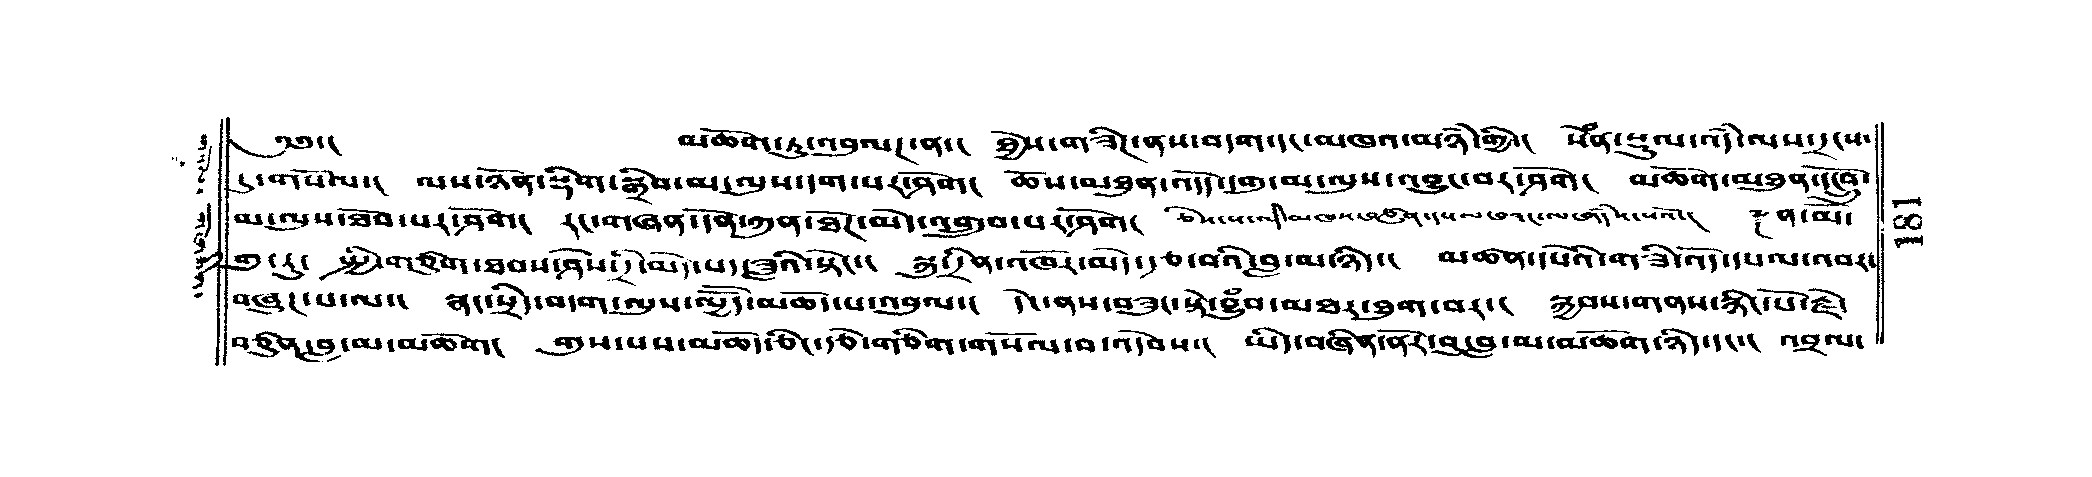མཆོག་ཏུ་འབུལ་ལགས་ན། །ཐུགས་རྗེས་གཟིགས་ནས་བདག་དང་མཁའ་མཉམ་གྱི། །སེམས་ཅན་སྡུག་བསྔལ་འདམ་ལས་དྲང་
དུ་གསོལ། །ལས་ཉོན་སྡིག་སྒྲིབ་མ་ལུས་དག་པར་ཤོག །ཆོས་མཐུན་འདོད་དགུ་མ་ལུས་འབྱུང་བར་ཤོག །མཆོག་ཐུན་དངོས་གྲུབ་
མ་ལུས་ཐོབ་པར་ཤོག །རང་གཞན་དོན་ཀུན་ཐོགས་མེད་འགྲུབ་པར་ཤོག ཅེས་པ་འདི་མཁས་བཙུན་དཔལ་བཟང་ལ་གདམས་པའོ།། ༈ ན་མོ་
གུ་རུ། སྤྱི་གཙུག་ཐབས་ཤེས་དྲི་མེད་པད་ཟླའི་སྟེང་། །སྐུ་དྲིན་འཁོར་མེད་རྩ་བའི་བླ་མ་ཉིད། །མཚན་དཔེའི་གཟི་འོད་དཔལ་འབར་
བཞུགས་པ་ལ། །སྣང་སྲིད་བདག་ལུས་ལོངས་སྤྱོད་མཆོད་པ་འབུལ། །དེང་ནས་བཟུང་སྟེ་བྱང་ཆུབ་མཐར་ཐུག་བར། །སྐྱབས་གནས་སྙིང་པོ་རྗེ་
བཙུན་བླ་མ་མཆོག།གུས་པས་མཆོད་ཅིང་རྩེ་གཅིག་གསོལ་བ་འདེབས། །ཡིད་བཞིན་ནོར་བུ་བླ་མ་མཆོག་ཉིད་དང་། །འབྲལ་